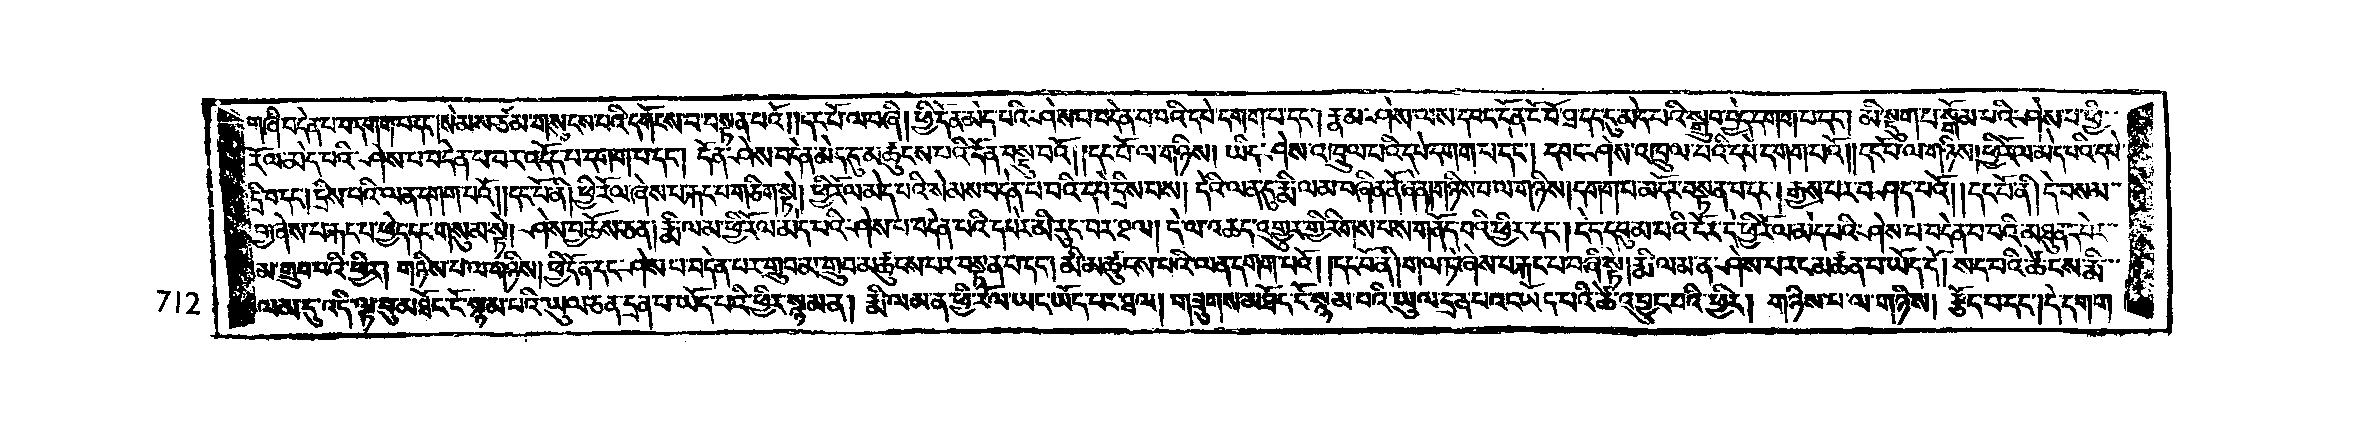གཞི་བདེན་པ་བ་དགག་པ་དང་། སེམས་ཙམ་གསུངས་པའི་དགོངས་པ་བསྟན་པའོ། །དང་པོ་ལ་བཞི། ཕྱི་དོན། མེད་པའི་ཤེས་པ་བདེན་པ་བའི་དཔེ་དགག་པ་དང་། རྣམ་ཤེས་ལས་དབང་དོན་ངོ་བོ་ཐ་དད་དུ་མེད་པའི་སྒྲུབ་བྱེད་དགག་པ་དང་། མི་སྡུག་པ་སྒོམ་པའི་ཤེས་པ་ཕྱི་
རོལ་མེད་པའི་ཤེས་པ་བདེན་པ་བར་འདོད་པ་དགག་པ་དང་། དོན་ཤེས་བདེན་མེད་དུ་མཚུངས་པའི་དོན་བསྡུ་བའོ། །དང་པོ་ལ་གཉིས། ཡིད་ཤེས་འཁྲུལ་པའི་དཔེ་དགག་པ་དང་། དབང་ཤེས་འཁྲུལ་པའི་དཔེ་དགག་པའོ། །དང་པོ་ལ་གཉིས། ཕྱི་རོལ་མེད་པའི་དཔེ་
དྲི་བ་དང་། དྲིས་པའི་ལན་དགག་པའོ། །དང་པོ་ནི། ཕྱི་རོལ་ཞེས་པ་རྐང་པ་གཅིག་སྟེ། ཕྱི་རོལ་མེད་པའི་སེམས་བདེན་པ་བའི་དཔེ་དྲིས་པས། དེའི་ལན་དུ་རྨི་ལམ་བཞིན་ནོ་ཞེ་ན། གཉིས་པ་ལ་གཉིས། དགག་པ་མདོར་བསྟན་པ་དང་། རྒྱས་པར་བཤད་པའོ། །དང་པོ་ནི། དེ་བསམ་
བྱ་ཞེས་པ་རྐང་པ་ཕྱེད་དང་གསུམ་སྟེ། ཤེས་བྱ་ཆོས་ཅན། རྨི་ལམ་ཕྱི་རོལ་མེད་པའི་ཤེས་པ་བདེན་པའི་དཔེར་མི་རུང་བར་ཐལ། དེ་ལ་འཆད་འགྱུར་གྱི་རིགས་པས་གནོད་པའི་ཕྱིར་དང་། ངེད་དབུ་མ་པའི་ངོར་དེ་ཕྱི་རོལ་མེད་པའི་ཤེས་པ་བདེན་པ་བའི་མཐུན་དཔེར་
མ་གྲུབ་པའི་ཕྱིར། གཉིས་པ་ལ་གཉིས། ཕྱི་དོན་དང་ཤེས་པ་བདེན་པར་གྲུབ་མ་གྲུབ་མཚུངས་པར་བསྟན་པ་དང་། མི་མཚུངས་པའི་ལན་དགག་པའོ། །དང་པོ་ནི། གལ་ཏེ་ཞེས་པ་རྐང་པ་བཞི་སྟེ། རྨི་ལམ་ན་ཤེས་པ་རང་མཚན་པ་ཡོད་དོ། སད་པའི་ཚེ་ངས་རྨི་
ལམ་དུ་འདི་ལྟ་བུ་མཐོང་ངོ་སྙམ་པའི་ཡུལ་ཅན་དྲན་པ་ཡོད་པའི་ཕྱིར་སྙམ་ན། རྨི་ལམ་ན་ཕྱི་རོལ་ཡང་ཡོད་པར་ཐལ། གཟུགས་མཐོང་ངོ་སྙམ་པའི་ཡུལ་དྲན་པའང་ཡོད་པའི་ཚེ་འབྱུང་བའི་ཕྱིར། གཉིས་པ་ལ་གཉིས། རྩོད་པ་དང་། དེ་དགག་